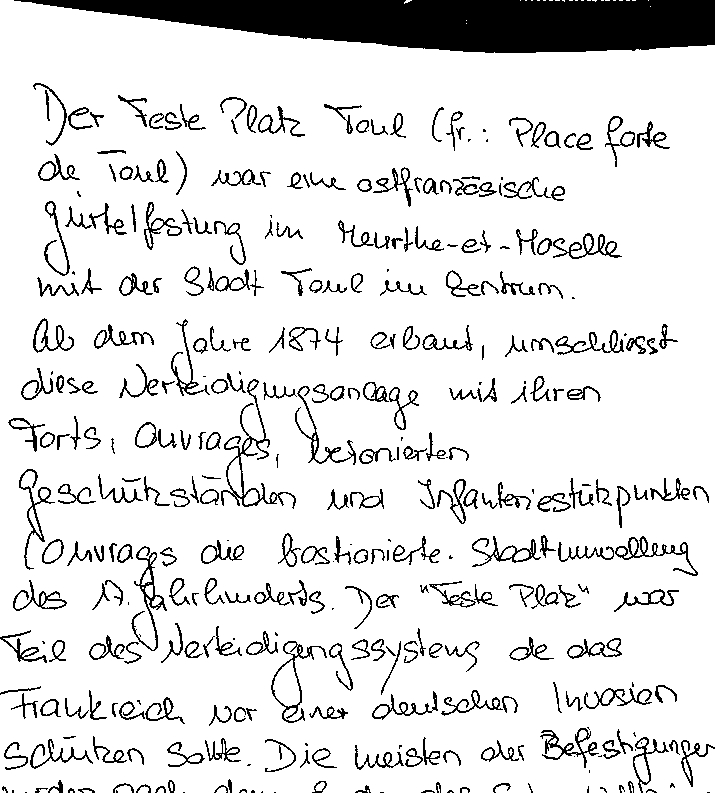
Der Feste Platz Toul (fr.: Place forte
de Toul) war eine ostfranzösische
Gürtelfestung im Meurthe-et-Moselle
mit der Stadt Toul im Zentrum.
Ab dem Jahre 1874 erbaut, umschließt
diese Verteidigungsanlage mit ihren
Forts, Ouvrages, betonierten
Geschützstän den und Infanteriestützpunkten
(Ouvrages die bastionierte Stadtumwallung
des 17. Jahrhunderts. Der "Feste Platz" war
Teil des Verteidigungssystems de das
Frankreich vor einer deutschen Invasion
schützen sollte. Die meisten der Befestigungen
